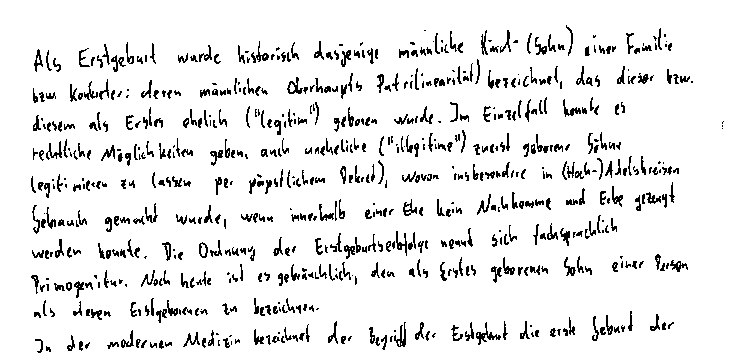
Als Erstgeburt wurde historisch dasjenige männliche Kind (Sohn) einer Familie
bzw. konkreter: deren männlichen Oberhaupts Patrilinearität) bezeichnet, das dieser bzw.
diesem als Erstes ehelich ("legitim") geboren wurde. Im Einzelfall konnte es
rechtliche Möglichkeiten geben, auch uneheliche ("illegitime") zuerst geborene Söhne
legitimieren zu lassen per päpstlichem Dekret), wovon insbesondere in (Hoch-)Adelskreisen
Gebrauch gemacht wurde, wenn innerhalb einer Ehe kein Nachkomme und Erbe gezeugt
werden konnte. Die Ordnung der Erstgeburtserbfolge nennt sich fachsprachlich
Primogenitur. Noch heute ist es gebräuchlich, den als Erstes geborenen Sohn einer Person
als deren Erstgeborenen zu bezeichnen.
In der modernen Medizin bezeichnet der Begriff Erstgeburt die erste Geburt der
